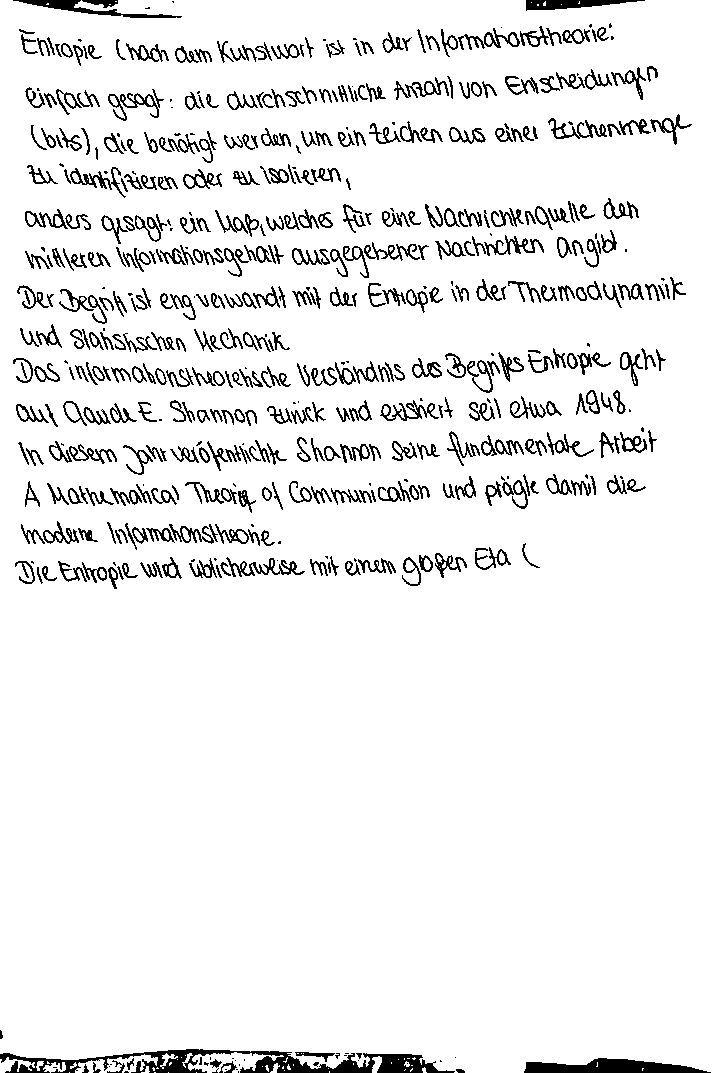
Entropie (nach dem Kunstwort ist in der Informationstheorie:
einfach gesagt: die durchschnittliche Anzahl von Entscheidungen
(bits), die benötigt werden, um ein Zeichen aus einer Zeichenmenge
zu identifizieren oder zu isolieren,
anders gesagt: ein Maß, welches für eine Nachrichtenquelle den
mittleren Informationsgehalt ausgegebener Nachrichten angibt.
Der Begriff ist eng verwandt mit der Entropie in der Thermodynamik
und statistischen Mechanik.
Das informationstheoretische Verständnis des Begriffes Entropie geht
auf Claude E. Shannon zurück und existiert seit etwa 1948.
In diesem Jahr veröffentlichte Shannon seine fundamentale Arbeit
A Mathematical Theory of Communication und prägte damit die
moderne Informationstheorie.
Die Entropie wird üblicherweise mit einem großen Eta
